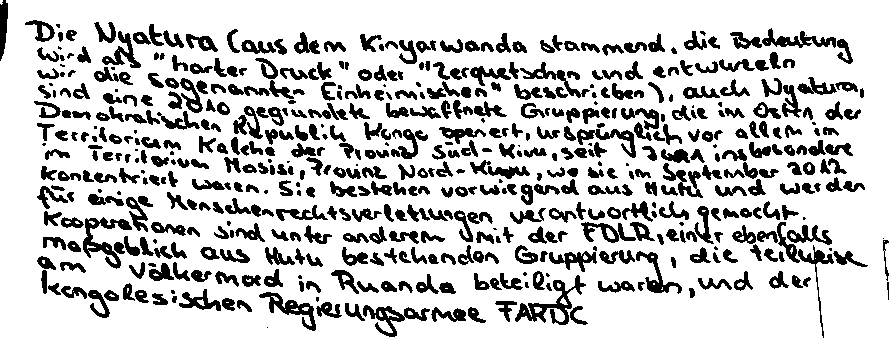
Die Nyatura (aus dem Kinyarwanda stammend, die Bedeutung
wird als "harter Druck" oder "Zerquetschen und entwurzeln
wir die sogenannten Einheimischen" beschrieben), auch Nyatura,
sind eine 2010 gegründete bewaffnete Gruppierung, die im Osten der
Demokratischen Republik Kongo operiert, ursprünglich vor allem im
Territorium Kalehe der Provinz Süd-Kivu, seit 2011 insbesondere
im Territorium Masisi, Provinz Nord-Kivu, wo sie im September 2012
konzentriert waren. Sie bestehen vorwiegend aus Hutu und werden
für einige Menschenrechtsverletzungen verantwortlich gemacht.
Kooperationen sind unter anderem mit der FDLR, einer ebenfalls
maßgeblich aus Hutu bestehenden Gruppierung, die teilweise
am Völkermord in Ruanda beteiligt waren, und der
kongolesischen Regierungsarmee FARDC
